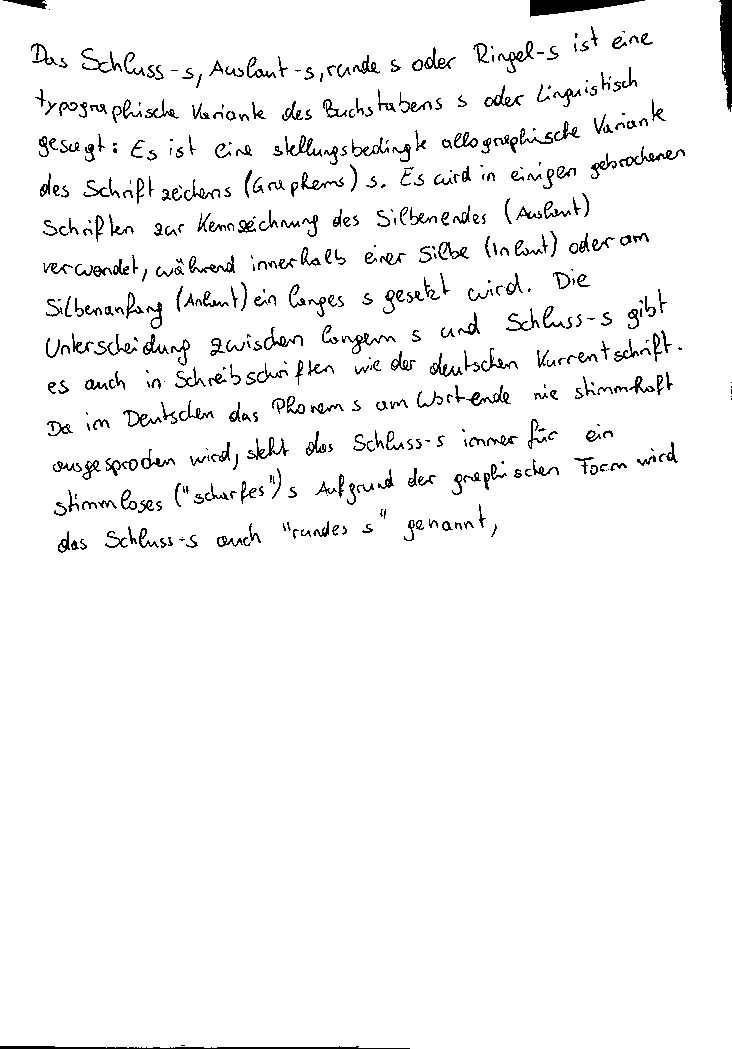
Das Schluss-s, Auslaut-s, runde s oder Ringel-s ist eine
typographische Variante des Buchstabens s oder linguistisch
gesagt: Es ist eine stellungsbedingte allographische Variante
des Schriftzeichens (Graphems) s. Es wird in einigen gebrochenen
Schriften zur Kennzeichnung des Silbenendes (Auslaut)
verwendet, während innerhalb einer Silbe (Inlaut) oder am
Silbenanfang (Anlaut) ein langes s gesetzt wird. Die
Unterscheidung zwischen langem s und Schluss-s gibt
es auch in Schreibschriften wie der deutschen Kurrentschrift.
Da im Deutschen das Phonem s am Wortende nie stimmhaft
ausgesprochen wird, steht das Schluss-s immer für ein
stimmloses ("scharfes") s Aufgrund der graphischen Form wird
das Schluss-s auch "rundes s" genannt,
